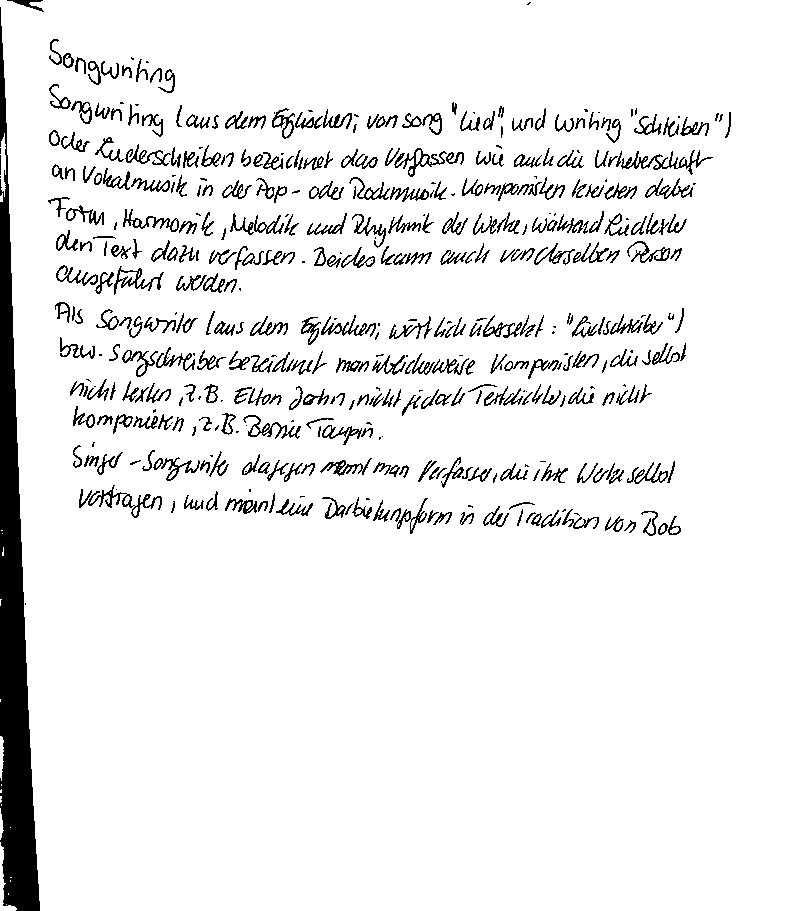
Songwriting
Songwriting (aus dem Englischen; von song "Lied", und writing "Schreiben")
oder Liederschreiben bezeichnet das Verfassen wie auch die Urheberschaft
an Vokalmusik in der Pop- oder Rockmusik. Komponisten kreieren dabei
Form, Harmonik, Melodik und Rhythmik der Werke, während Liedtexter
den Text dazu verfassen. Beides kann auch von derselben Person
ausgeführt werden.
Als Songwriter (aus dem Englischen; wörtlich übersetzt: "Liedschreiber")
bzw. Songschreiber bezeichnet man üblicherweise Komponisten, die selbst
nicht texten, z. B. Elton John, nicht jedoch Textdichter, die nicht
komponieren, z. B. Bernie Taupin.
Singer-Songwriter dagegen nennt man Verfasser, die ihre Werke selbst
vortragen, und meint eine Darbietungsform in der Tradition von Bob
